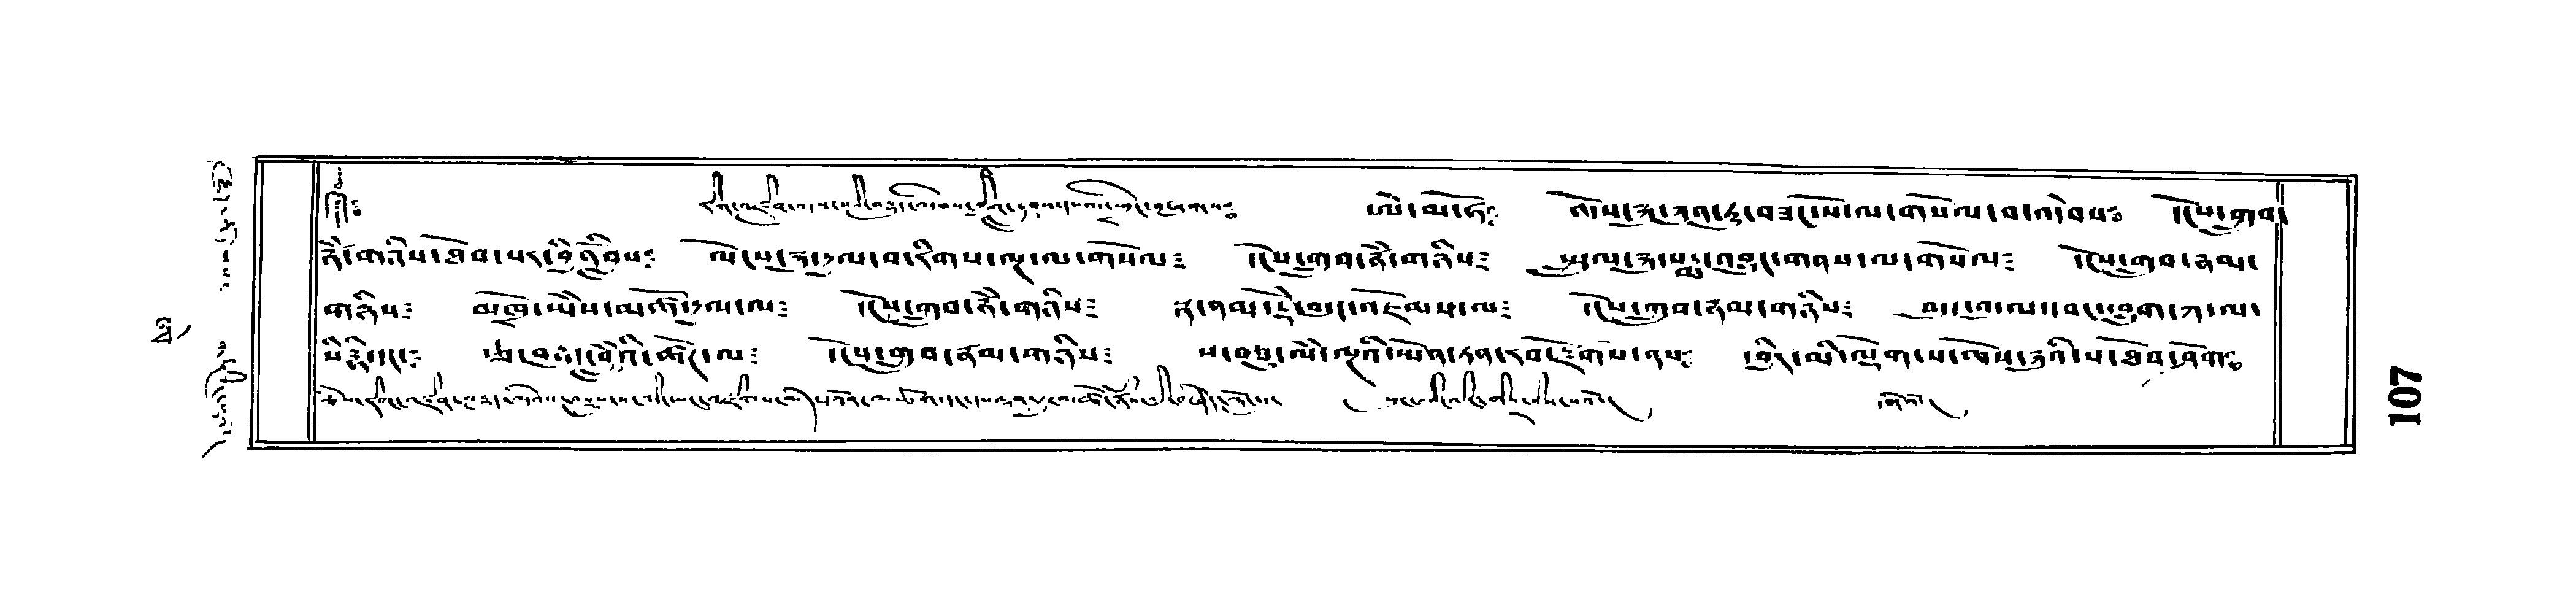རིག་འཛིན་འདུས་པའི་བརྒྱུད་འདེབས་བྱིན་རླབས་དཔལ་ཕྲེང་བཞུགས༔ ཨེ་མ་ཧོ༔ ཆོས་སྐུ་ཀུན་ཏུ་བཟང་པོ་ལ་གསོལ་བ་འདེབས༔ དངོས་གྲུབ་
རྣམ་གཉིས་ཐོབ་པར་བྱིན་གྱིས་རློབས༔ ལོངས་སྐུ་རྒྱལ་བ་རིགས་ལྔ་ལ་གསོལ༴ དངོས་གྲུབ་རྣམ་གཉིས༴ སྤྲུལ་སྐུ་པདྨ་འབྱུང་གནས་ལ་གསོལ༴ དངོས་གྲུབ་རྣམ་
གཉིས༴ མཁའ་འགྲོ་ཡེ་ཤེས་མཚོ་རྒྱལ་ལ༴ དངོས་གྲུབ་རྣམ་གཉིས༴ སྣ་ནམ་རྡོ་རྗེ་བདུད་འཇོམས་ལ༴ དངོས་གྲུབ་རྣམ་གཉིས༴ བདུད་འདུལ་དབང་ཕྱུག་ཀ་ལ་
སིདྡྷི་དང༔ རྩ་བརྒྱུད་བླ་མའི་ཚོགས་ལ༴ དངོས་གྲུབ་རྣམ་གཉིས༴ ས་བཅུ་ལམ་ལྔ་ཡོན་ཏན་རབ་རྫོགས་ནས༔ ཕྱིར་མི་ལྡོག་པ་ཆོས་སྐུའི་ས་ཐོབ་ཤོག༔ 
ཅེས་རིག་འཛིན་བརྒྱུད་འདེབས་བསྡུས་པ་འདི་ཡང་འཇིགས་མེད་དཀོན་མཆོག་དང་དཔལ་ལྡན་རྒྱ་མཚོའི་རྣམས་ཀྱི་བཞེད་སྐོང་དུ། སུ་ཁའི་མིང་གིས་བྲིས་པའོ།། དགེའོ།།